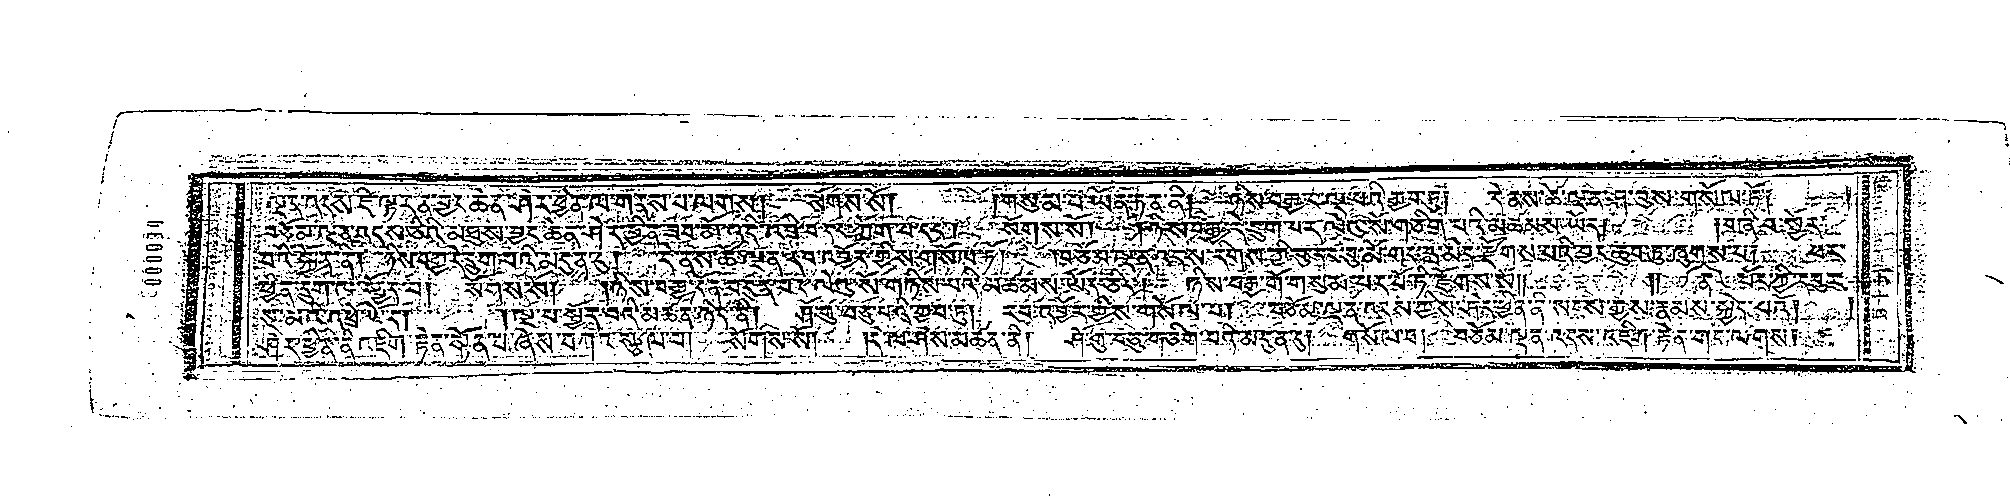ལྡན་འདས་ཇི་ལྟར་ན་བྱང་ཆེན་ཤེར་ཕྱིན་ལ་གནས་པ་ལགས། སོགས་སོ། །གསུམ་པ་ཡོན་ཏན་ནི། ཉིས་བརྒྱ་ང་ལྔ་པའི་རྒྱབ་ཏུ། དེ་ནས་ཚེ་ལྡན་ཤུ་བུ་གསོལ་ཏོ། །
བཅོམ་ལྡན་འདས་ཅིའི་མཐུས་བྱང་ཆེན་ཤེར་ཕྱིན་ཟབ་མོ་འདི་འབྲི་བ་དང་ཀློག་པ་དང་། སོགས་སོ། །ཉིས་བརྒྱ་རེ་དྲུག་པར་ལེའུ་སོ་གཅིག་པའི་མཚམས་ཡོད། །བཞི་བ་སྦྱོར་
བའི་སྐྱོན་ནི། ཉིས་བརྒྱ་དེ་དྲུག་པའི་མདུན་དུ། དེ་ནས་ཚེ་ལྡན་རབ་འབྱོར་གྱིས་གསོལ་ཏོ། །བཅོམ་ལྡན་འདས་རིགས་ཀྱི་བུ་དང་བུ་མོ་གང་བླ་མེད་རྫོགས་པའི་བྱང་ཆུབ་ཏུ་ཞུགས་པ། ཕར་
ཕྱིན་དྲུག་ལ་སྦྱོར་བ། སོགས་སོ། །ཉིས་བརྒྱ་དོན་བདུན་པར་ལེའུ་སོ་གཉིས་པའི་མཚམས་ཡོད་ཅིང་། ཉིས་བརྒྱ་གོ་གསུམ་པར་པོ་ཏི་རྫོགས་སོ།། །། ན྄་བོད་ཀྱི་དབུར་
སྔ་མའི་འཕྲོ་ཡོད། །ལྔ་པ་སྦྱོར་བའི་མཚན་ཉིད་ནི། ཤོ་གུ་བཅུ་པའི་རྒྱབ་ཏུ། རབ་འབྱོར་གྱིས་གསོལ་པ། བཅོམ་ལྡན་འདས་ཀྱིས་ཤེར་ཕྱིན་ནི་སངས་རྒྱས་རྣམས་སྐྱེད་པའོ། །
ཤེར་ཕྱིན་ནི་འཇིག་རྟེན་སྟོན་པ་ཞེས་བཀའ་སྩལ་པ། སོགས་སོ། །དེ་ལ་ཤེས་མཚན་ནི། ཤོ་གུ་བཅུ་གཅིག་པའི་མདུན་དུ། གསོལ་བ། བཅོམ་ལྡན་འདས་འཇིག་རྟེན་གང་ལགས།